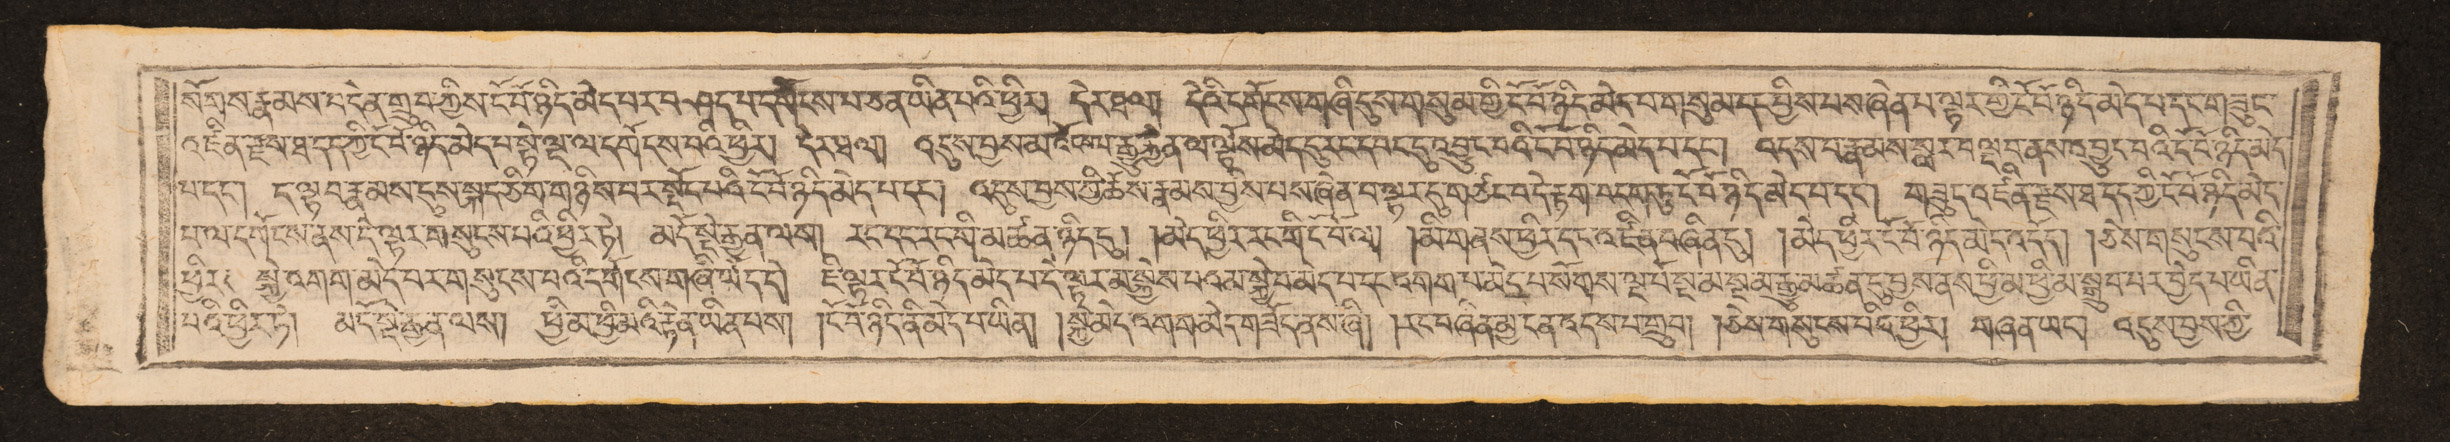སོགས་རྣམས་བདེན་གྲུབ་ཀྱིས་ངོ་བོ་ཉིད་མེད་པར་བཤད་པ་དགོངས་པ་ཅན་ཡིན་པའི་ཕྱིར། དེར་ཐལ། དེའི་དགོངས་གཞི་དུས་གསུམ་གྱི་ངོ་བོ་ཉིད་མེད་པ་གསུམ་དང་བྱིས་པས་ཞེན་པ་ལྟར་གྱི་ངོ་བོ་ཉིད་མེད་པ་དང་གཟུང་
འཛིན་རྫས་ཐ་དད་ཀྱི་ངོ་བོ་ཉིད་མེད་པ་སྟེ་ལྔ་ལ་དགོངས་པའི་ཕྱིར། དེར་ཐལ། འདུས་བྱས་མ་འོངས་པ་རྒྱུ་རྐྱེན་ལ་ལྟོས་མེད་དུ་རང་དབང་དུ་འབྱུང་བའི་ངོ་བོ་ཉིད་མེད་པ་དང་། འདས་པ་རྣམས་སླར་བ་ལྡབ་ནས་འབྱུང་བའི་ངོ་བོ་ཉིད་མེད་
པ་དང་། ད་ལྟ་བ་རྣམས་དུས་སྐད་ཅིག་གཉིས་པར་སྡོང་པའི་ངོ་བོ་ཉིད་མེད་པ་དང་། འདུས་བྱས་ཀྱི་ཆོས་རྣམས་བྱིས་པས་ཞེན་པ་ལྟར་དུ་གཙང་བ་དེ་རྟག་བདག་ཏུ་ངོ་བོ་ཉིད་མེད་པ་དང་། གཟུང་འཛིན་རྫས་ཐ་དད་ཀྱི་ངོ་བོ་ཉིད་མེད་
པ་ལ་དགོངས་ནས་དེ་ལྟར་གསུངས་པའི་ཕྱིར་ཏེ། མདོ་སྡེ་རྒྱན་ལས། རང་དང་རང་གི་མཚན་ཉིད་དུ། །མེད་ཕྱིར་རང་གི་ངོ་བོ་ལ། །མི་གནས་ཕྱིར་དང་འཛིན་བཞིན་དུ། །མེད་ཕྱིར་ངོ་བོ་ཉིད་མེད་འདོད། །ཅེས་གསུངས་པའི་
ཕྱིར༑ སྐྱེ་འགག་མེད་པར་གསུངས་པའི་དགོངས་གཞི་ཡོད་དེ། ཇི་ལྟར་ངོ་བོ་ཉིད་མེད་པ་དེ་ལྟར་མ་སྐྱེས་པའམ་སྐྱེ་བ་མེད་པ་དང་འགག་པ་མེད་པ་སོགས་ལྔ་པོ་སྔ་མ་སྔ་མ་རྒྱུ་མཚན་དུ་བྱས་ནས་ཕྱི་མ་ཕྱི་མ་སྒྲུབ་པར་བྱེད་པ་ཡིན་
པའི་ཕྱིར་ཏེ། མདོ་སྡེ་རྒྱན་ལས། ཕྱི་མ་ཕྱི་མའི་རྟེན་ཡིན་པས། །ངོ་བོ་ཉིད་ནི་མེད་པ་ཡིན། །སྐྱེ་མེད་འགག་མེད་གཟོད་ནས་ཞི། །རང་བཞིན་མྱ་ངན་འདས་པ་གྲུབ། །ཅེས་གསུངས་པའི་ཕྱིར། གཞན་ཡང་། འདུས་བྱས་ཀྱི་